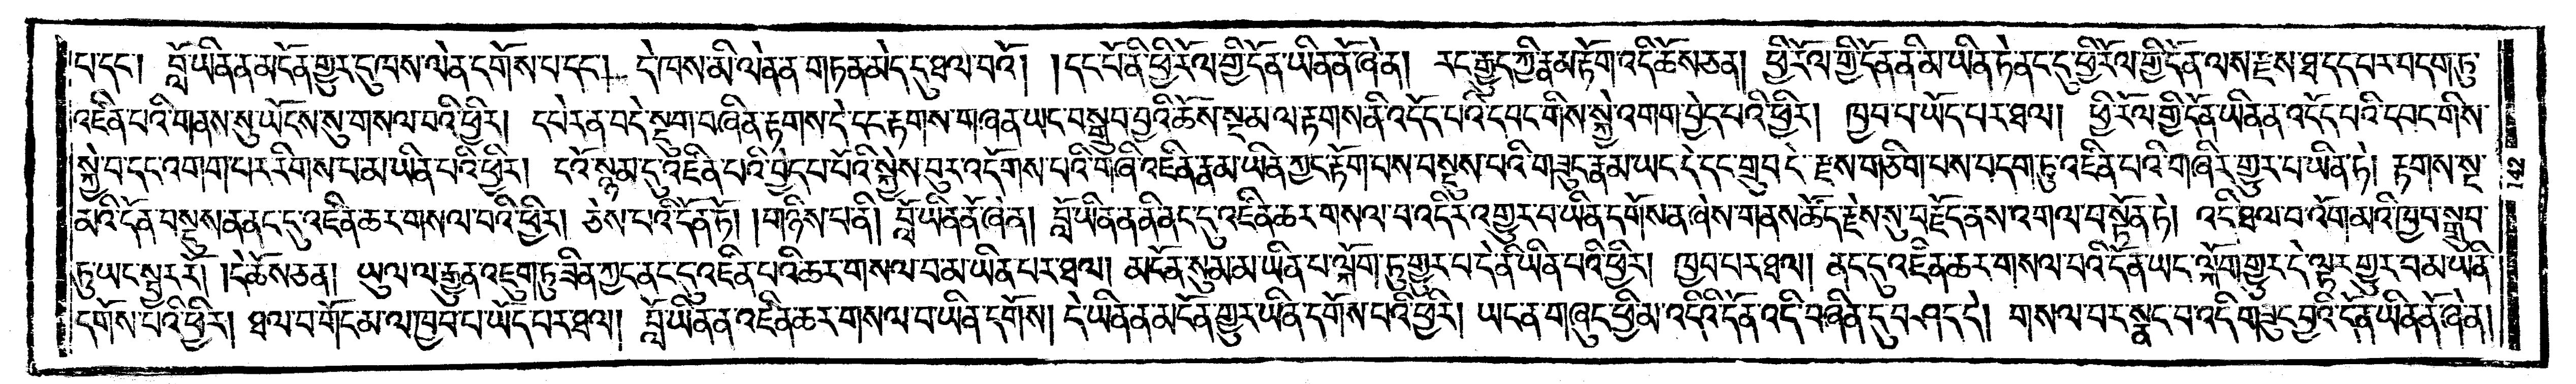པ་དང་། བློ་ཡིན་ན་མངོན་གྱུར་དུ་ཁས་ལེན་དགོས་པ་དང་། དེ་ཁས་མི་ལེན་ན་གཏན་མེད་དུ་ཐལ་བའོ། །དང་པོ་ནི་ཕྱི་རོལ་གྱི་དོན་ཡིན་ནོ་ཞེ་ན། རང་རྒྱུད་ཀྱི་རྣམ་རྟོག་འདི་ཆོས་ཅན། ཕྱི་རོལ་གྱི་དོན་ནི་མ་ཡིན་ཏེ་ནང་དུ་ཕྱི་རོལ་གྱི་དོན་ལས་རྫས་ཐ་དད་པར་བདག་ཏུ་
འཛིན་པའི་གནས་སུ་ཡོངས་སུ་གསལ་བའི་ཕྱིར། དཔེར་ན་བདེ་སྡུག་བཞིན་རྟགས་དེ་དང་རྟགས་གཞན་ཡང་བསྒྲུབ་བྱའི་ཆོས་སྔ་མ་ལ་རྟགས་ནི་འདོད་པའི་དབང་གིས་སྐྱེ་འགག་བྱེད་པའི་ཕྱིར། ཁྱབ་པ་ཡོད་པར་ཐལ། ཕྱི་རོལ་གྱི་དོན་ཡིན་ན་འདོད་པའི་དབང་གིས་
སྐྱེ་བ་དང་འགག་པར་རིགས་པ་མ་ཡིན་པའི་ཕྱིར། ངའོ་སྙམ་དུ་འཛིན་པའི་བྱེད་པ་པོའི་སྐྱེས་བུར་འདོགས་པའི་གཞི་འཛིན་རྣམ་ཡིན་ཀྱང་རྟོག་པས་བསྡུས་པའི་གཟུང་རྣམ་ཡང་དེ་དང་གྲུབ་དེ་རྫས་གཅིག་པས་བདག་ཏུ་འཛིན་པའི་གཞིར་གྱུར་པ་ཡིན་ཏེ། རྟགས་སྔ་
མའི་དོན་བསྡུས་ན་ནང་དུ་འཛིན་ཆར་གསལ་བའི་ཕྱིར། ཅེས་པའི་དོན་ཏོ། །གཉིས་པ་ནི། བློ་ཡིན་ནོ་ཞེ་ན། བློ་ཡིན་ན་ནི་ནང་དུ་འཛིན་ཆར་གསལ་བ་འདིར་འགྱུར་བ་ཡིན་དགོས་ན་ཞེས་གནས་ཚོད་རྗེས་སུ་བརྗོད་ནས་འགལ་བ་སྟོན་ཏེ། འདི་ཐལ་བ་འོག་མའི་ཁྱབ་སྒྲུབ་
ཏུ་ཡང་སྦྱར་རོ། །དེ་ཆོས་ཅན། ཡུལ་ལ་རྒྱུན་འཇུག་ཏུ་ཟིན་ཀྱང་ནང་དུ་འཛིན་པའི་ཆར་གསལ་བ་མ་ཡིན་པར་ཐལ། མངོན་སུམ་མ་ཡིན་པ་ལྐོག་ཏུ་གྱུར་པ་དེ་ནི་ཡིན་པའི་ཕྱིར། ཁྱབ་པར་ཐལ། ནང་དུ་འཛིན་ཆར་གསལ་བའི་དོན་ཡང་ལྐོག་གྱུར་དེ་ལྟར་གྱུར་བ་མ་ཡིན་
དགོས་པའི་ཕྱིར། ཐལ་བ་གོང་མ་ལ་ཁྱབ་པ་ཡོད་པར་ཐལ། བློ་ཡིན་ན་འཛིན་ཆར་གསལ་བ་ཡིན་དགོས། དེ་ཡིན་ན་མངོན་གྱུར་ཡིན་དགོས་པའི་ཕྱིར། ཡང་ན་གཞུང་ཕྱི་མ་འདིའི་དོན་འདི་བཞིན་དུ་བཤད་དེ། གསལ་བར་སྣང་བ་འདི་གཟུང་བྱའི་དོན་ཡིན་ནོ་ཞེ་ན།